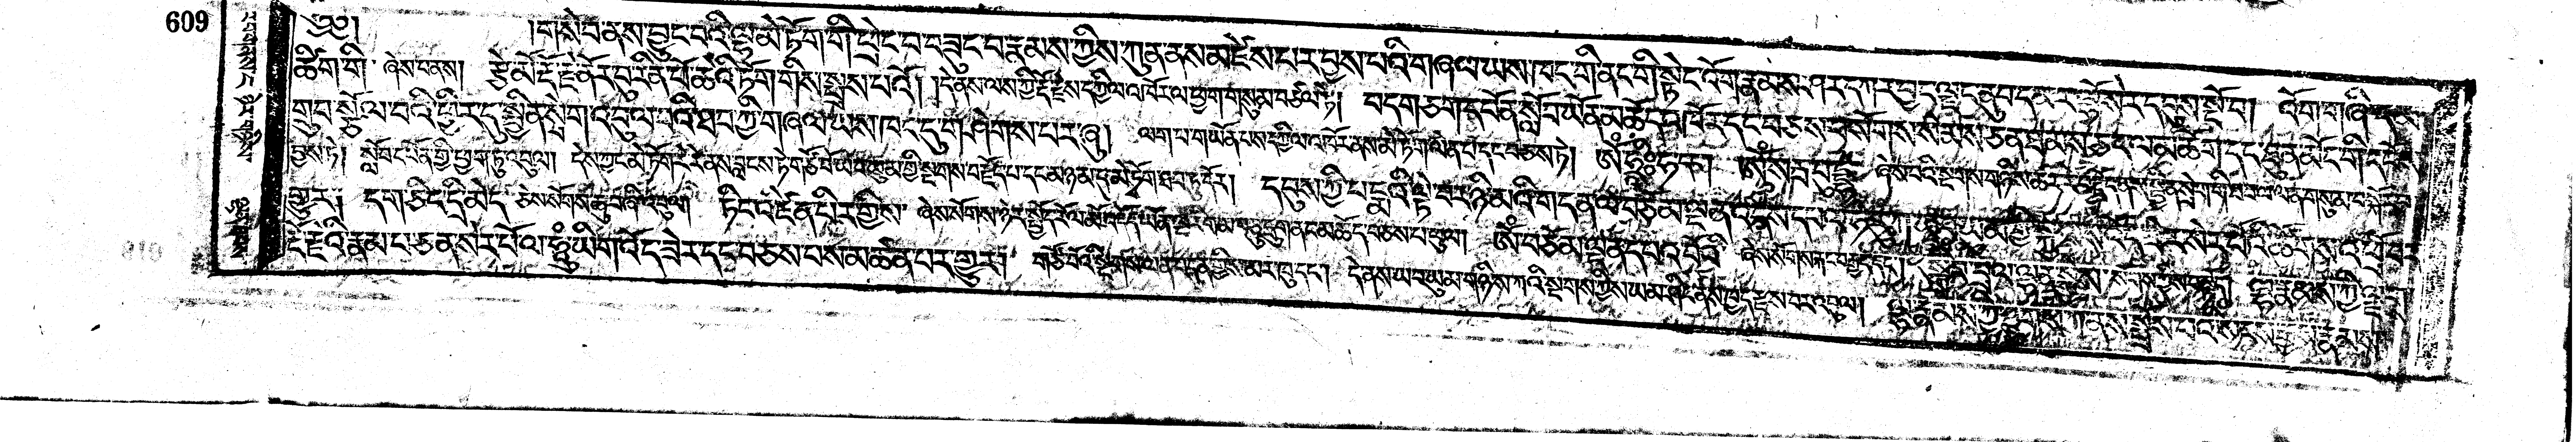༄༅། །གསེབ་ནས་བྱུང་བའི་བྱུང་བའི་ལྷ་མེ་ཏོག་གི་ཕྲེང་བ་བཟུང་བ་རྣམས་ཀྱིས་ཀུན་ནས་མཛེས་པར་བྱས་པའི་གཞལ་ཡས་ཁང་གི་ནང་གི་སྟེང་འོག་རྣམས་ཤར་དཀར་བྱང་ལྗང་ནུབ་དམར་ལྷོ་སེར་དབུས་སྔོ་བ། འོག་གཞི་དམ་
ཚིག་གི་ཞེས་པ་ནས།  རྩེ་མོ་རྡོ་རྗེ་ནོར་བུ་རིན་པོ་ཆེའི་རྟོག་གིས་སྤྲས་པའོ། །དེ་ནས་ལས་ཀྱི་རྡོ་རྗེས་དཀྱིལ་འཁོར་ལ་ཕྱག་གསུམ་བཙལ་ཏེ།  བདག་ཅག་དཔོན་སློབ་ཡོན་མཆོད་འཁོར་དང་བཅས་པ་སོགས་སེམས་ཅན་ཐམས་ཅད་ལ་མཆོག་དང་ཐུན་མོང་གི་དངོས་
གྲུབ་སྩོལ་བའི་ཕྱིར་དུ་སྦྱིན་སྲེག་འབུལ་བའི་ཐབ་ཀྱི་གཞལ་ཡས་ཁང་དུ་གཤེགས་པར་ཞུ། ལག་པ་གཡོན་པས་དཀྱིལ་འཁོར་ནས་མེ་ཏོག་ལེན་པ་དང་བཅས་ཏེ།  ཨོཾ་ཧྲཱིཿཧ་དང་། ཨོཾ་སརྦ་བུདྡྷ་ཞེས་པའི་སྔགས་གཉིས་ཚར་རེ་བརྗོད་ནས་སྦྱིན་སྲེག་གི་ཐབ་ལ་ལན་གསུམ་བསྐོར་བ་
བྱས་ཏེ། སློབ་དཔོན་གྱི་ཕྱག་ཏུ་འབུལ། དེས་ཀྱང་མེ་ཏོག་རེ་རེ་ནས་བླངས་ཏེ་གཙོ་བོ་ཡབ་ཡུམ་གྱི་སྔགས་བརྗོད་པ་དང་མཉམ་དུ་མེ་ཏོག་ཐབ་ཏུ་དོར། དབུས་ཀྱི་པདམའི་ལྟེ་བར་ཉི་མའི་གདན་ལ་བཅོམ་ལྡན་འདས་དཔལ་ཧེ་རུ་ཀ་ཡབ་ཡུམ་གྱི་སྐུ་ལས་འོད་ཟེར་སེར་པོའི་ཚོགས་འཕྲོ་བར་
གྱུར༑ དག་ཅིང་དྲི་མེད་ཅེས་སོགས་ཆུ་བཞི་འབུལ།  ཏིང་འཛིན་པིར་གྱིས་ཞེས་སོགས་ཉེར་སྤྱོད་རོལ་མོ་འདོད་ཡོན་ལྔ་རིག་མ་བཅུ་དྲུག་ནང་མཆོད་བཅས་པ་ཕུལ།  ཨོཾ་བཅོམ་ལྡན་དཔའ་བོའི་ཞེས་སོགས་རྐང་བརྒྱད་དང་།  སྒྲིབ་བྲལ་ལྷན་སྐྱེས་སོགས་ཀྱིས་བསྟོད།  ལྷ་རྣམས་ཀྱི་ལྗགས་
རྡོ་རྗེའི་རྣམ་པ་ཅན་སེར་པོ་ལ་ཧཱུཾ་ཡིག་འོད་ཟེར་དང་བཅས་པས་མཚན་པར་གྱུར། གཙོ་བོའི་སྔགས་ལན་བདུན་གྱིས་མར་ཁུ་དང་། དེ་ན་ཡབ་ཡུམ་གཉིས་ཀའི་སྔགས་ཀྱིས་ཡམ་ཤིང་ནས་ཁྱད་རྫས་བར་འབུལ།  ལྷ་རྣམས་ཀྱི་ཐུགས་ཀ་ནས་སྤྲོས་པའི་སངས་རྒྱས་རྣམས་